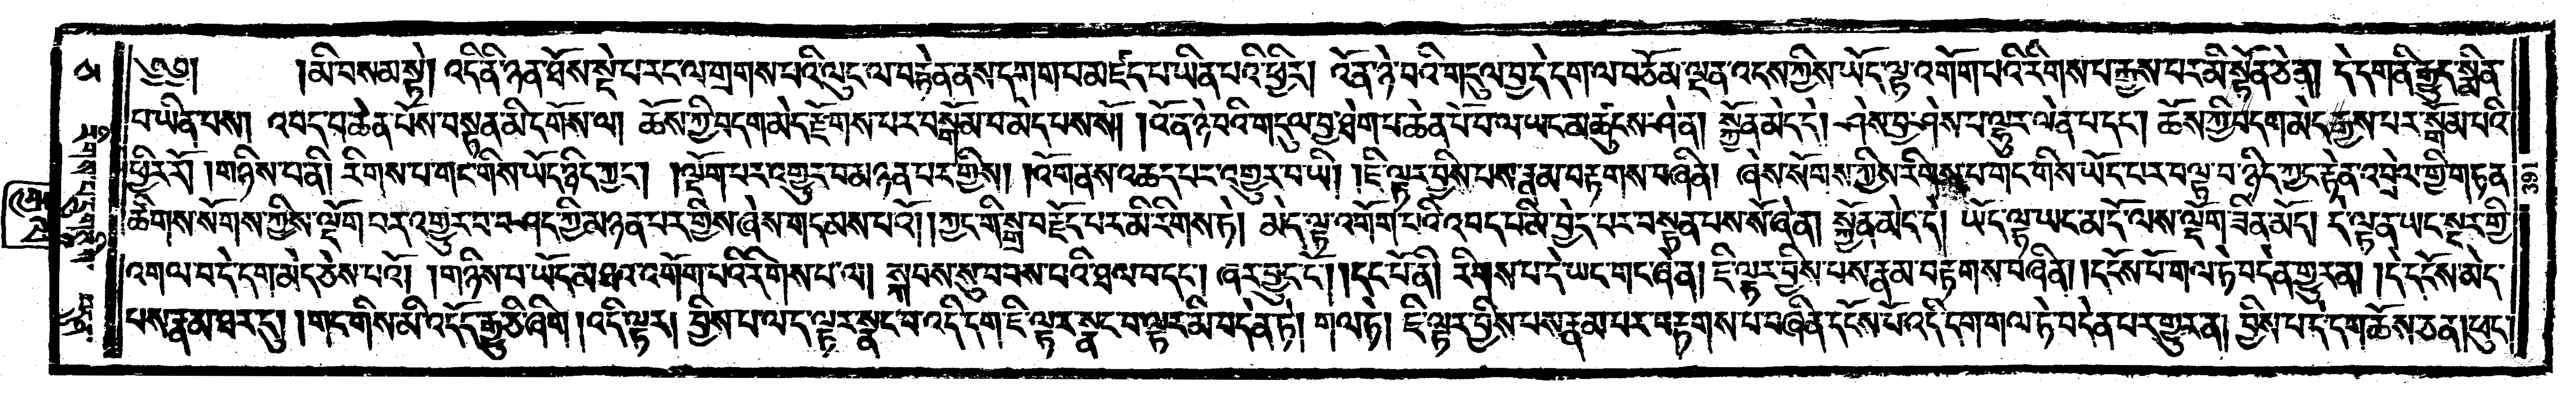༄༅། །མི་བསམ་སྟེ། འདི་ནི་ཉན་ཐོས་སྡེ་པ་རང་ལ་གྲགས་པའི་ལུང་ལ་བརྟེན་ནས་དགག་པ་མཛད་པ་ཡིན་པའི་ཕྱིར། འོ་ན་ཉེ་བའི་གདུལ་བྱ་དེ་དག་ལ་བཅོམ་ལྡན་འདས་ཀྱིས་ཡོད་ལྟ་འགོག་པའི་རིགས་པ་རྒྱས་པར་མི་སྟོན་ཅེ་ན། དེ་དག་ནི་རྒྱུད་སྨིན་
པ་ཡིན་པས། འབད་པ་ཆེན་པོས་བསྟན་མི་དགོས་ལ། ཆོས་ཀྱི་བདག་མེད་རྫོགས་པར་བསྒོམ་པ་མེད་པས་སོ། །འོ་ན་ཉེ་བའི་གདུལ་བྱ་ཐེག་པ་ཆེན་པོ་པ་ལ་ཡང་མཚུངས་ཤེ་ན། སྐྱོན་མེད་དེ། ཤེས་བྱ་ཤེས་པ་ལྷུར་ལེན་པ་དང་། ཆོས་ཀྱི་བདག་མེད་རྒྱས་པར་སྒོམ་པའི་
ཕྱིར་རོ། །གཉིས་པ་ནི། རིགས་པ་གང་གིས་ཡོད་ཉིད་ཀྱང་། །ལྡོག་པར་འགྱུར་བ་མཉན་པར་གྱིས། །འོག་ནས་འཆད་པར་འགྱུར་བ་ཡི། །ཇི་ལྟར་བྱིས་པས་རྣམ་བརྟགས་བཞིན། ཞེས་སོགས་ཀྱིས་རིགས་པ་གང་གིས་ཡོད་པར་བལྟ་བ་ཉིད་ཀྱང་རྟེན་འབྲེལ་གྱི་གཏན་
ཚིགས་སོགས་ཀྱིས་ལྡོག་པར་འགྱུར་བ་བཤད་ཀྱི་མཉན་པར་གྱིས་ཞེས་གདམས་པའོ། །ཀྱང་གི་སྒྲ་བརྗོད་པར་མི་རིགས་ཏེ། མེད་ལྟ་འགོག་པའི་འབད་པ་མི་བྱེད་པར་བསྟན་པས་སོ་ཞེ་ན། སྐྱོན་མེད་དེ། ཡོད་ལྟ་ཡང་མདོ་ལས་ལྡོག་ཟིན་མོད། དེ་ལྟ་ན་ཡང་སྔར་གྱི་
འགལ་བ་དེ་དག་མེད་ཅེས་པའོ། །གཉིས་པ་ཡོད་མཐའ་འགོག་པའི་རིགས་པ་ལ། སྐབས་སུ་བབས་པའི་ཐལ་བ་དང་། ཞར་བྱུང་ངོ། །དང་པོ་ནི། རིགས་པ་དེ་ཡང་གང་ཞེ་ན། ཇི་ལྟར་བྱིས་པས་རྣམ་བརྟགས་བཞིན། །དངོས་པོ་གལ་ཏེ་བདེན་གྱུར་ན། །དེ་དངོས་མེད་
པས་རྣམ་ཐར་དུ། །གང་གིས་མི་འདོད་རྒྱུ་ཅི་ཞིག །འདི་ལྟར། བྱིས་པ་ལ་ད་ལྟར་སྣང་བ་འདི་དག་ཇི་ལྟར་སྣང་བ་ལྟར་མི་བདེན་ཏེ། གལ་ཏེ། ཇི་ལྟར་བྱིས་པས་རྣམ་པར་བརྟགས་པ་བཞིན་དངོས་པོ་འདི་དག་གལ་ཏེ་བདེན་པར་གྱུར་ན། བྱིས་པ་དེ་དག་ཆོས་ཅན། ཕུང་